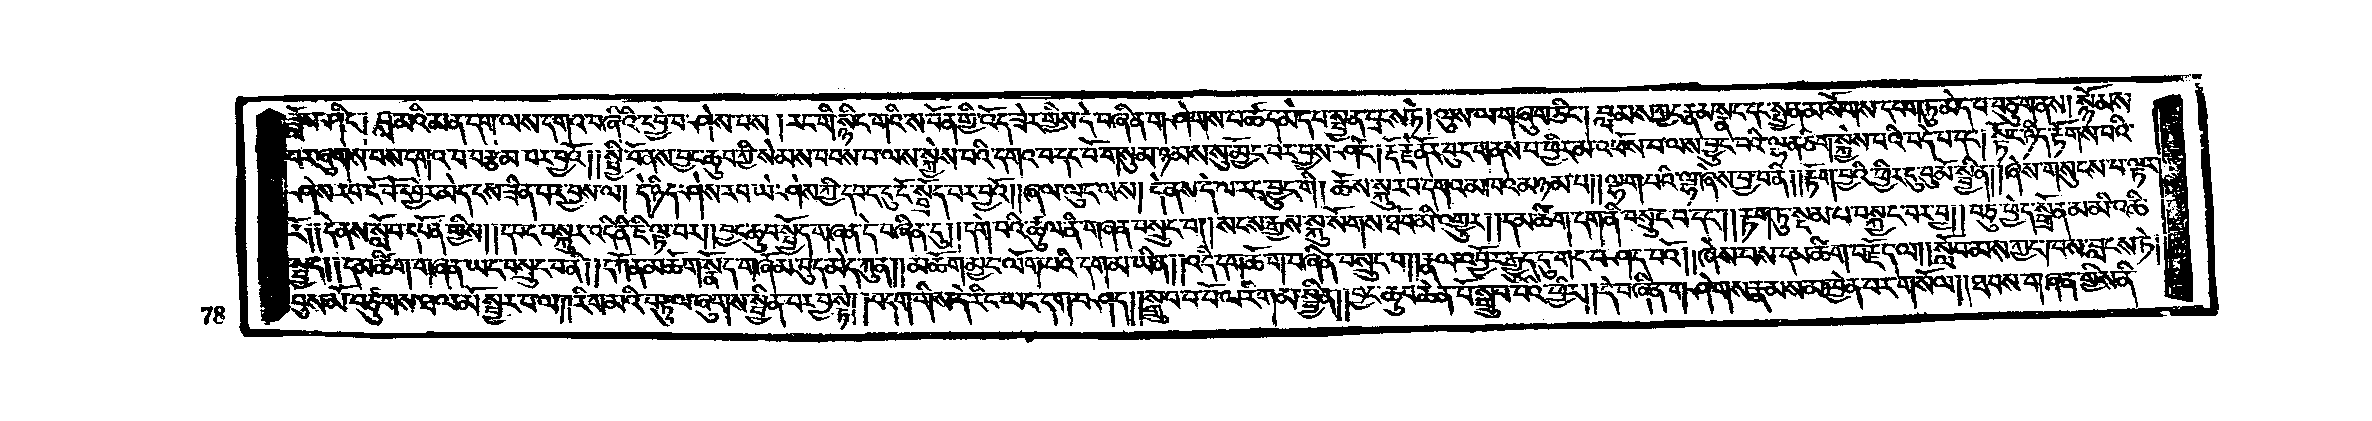ཟློས་ཤིང་། བླ་མའི་མན་ངག་ལས་དགའ་བཞིའི་དབྱེ་བ་ཤེས་པས། རང་གི་སྙིང་གའི་ས་བོན་གྱི་འོད་ཟེར་གྱིས་དེ་བཞིན་གཤེགས་པ་ཚད་མེད་པ་སྤྱན་དྲངས་ཏེ། ལུས་ལ་གཞུག་ཅིང་། བླ་མས་ཀྱང་རྣམ་སྣང་དང་སྤྱན་མ་སོགས་དཔག་ཏུ་མེད་པ་བཅུ་གནས། སྙོམས་
པར་ཞུགས་པས་དགའ་བ་བརྩམ་པར་བྱའོ། །སྤྱི་བོ་ནས་བྱང་ཆུབ་ཀྱི་སེམས་བབས་པ་ལས་སྐྱེས་པའི་དགའ་བ་དང་པོ་གསུམ་ཉམས་སུ་མྱོང་བར་བྱས་ཤིང་། རྡོ་རྗེ་ནོར་བུར་གནས་པ་ཕྱིར་མ་འཕོས་པ་ལས་བྱུང་བའི་ལྷན་ཅིག་སྐྱེས་པའི་བདེ་བ་དང་། སྟོང་ཉིད་རྟོགས་པའི་
ཤེས་རབ་ངོ་བོ་དབྱེར་མེད་ངས་ཟིན་པར་བྱས་ལ། དེ་ཉིད་ཤེས་རབ་ཡེ་ཤེས་ཀྱི་དབང་དུ་ངོ་སྤྲོད་པར་བྱའོ། །ཞལ་ལུང་ལས། དེ་ནས་དེ་ལ་རང་བྱུང་གི། ཆོས་སྐུ་རབ་དགའ་མཁའ་མཉམ་པ། །ལྷག་པའི་ལྷ་ཞེས་བྱ་བ་ནི། །རྟོག་བྱའི་ཕྱིར་དུ་བུ་མོ་སྦྱིན། །ཞེས་གཟུངས་པ་ལྟར་
རོ༑ ༑དེ་ནས་སློབ་དཔོན་གྱིས། །དབང་བསྐུར་འདི་ནི་ཇི་ལྟ་བར། །བྱང་ཆུབ་སྤྱོད་གཞན་དེ་བཞིན་དུ། །དགེ་བའི་ཚུལ་ནི་གཞན་བསྲུང་བ། །སངས་རྒྱས་སྐུ་སོགས་ཐོབ་མི་འགྱུར། །དམ་ཚིག་དག་ནི་བསྲུང་བ་དང་། །རྟག་ཏུ་སྡམ་པ་བསྐྱང་བར་བྱ། །བཅུ་ཕྱེད་སྒྲོན་མ་མི་འཆི་
སྤྱད། །དམ་ཚིག་གཞན་ཡང་བསྲུང་བ་ནི། །དཀོན་མཆོག་སྣོད་གཞོམ་བུད་མེད་ཀུན། །མཆོག་མྱང་ལོག་པའི་དག་མ་ཡིན། །འདི་དག་ཆོ་ག་བཞིན་བསྲུང་བ། །རྣལ་འབྱོར་རྒྱུད་དུ་གང་བཤད་པའོ། །ཞེས་པས་དམ་ཚིག་བརྗོད་ལ། །སློབ་མས་ཀྱང་ཁས་བླངས་ཏེ།
བུས་མོ་བཙུགས་ཐལ་མོ་སྦྱར་བ་ལ། །རིག་མའི་བརྟུལ་ཞུགས་སྦྱིན་པར་བྱ་སྟེ། བདག་གིས་དེ་རིང་ཡང་དག་བཤད། །སྒྲུབ་པ་པོ་ལ་རིག་མ་སྦྱིན། །བྱང་ཆུབ་ཆེན་པོ་སྒྲུབ་པའི་ཕྱིར། །དེ་བཞིན་གཤེགས་རྣམས་མཁྱེན་པར་གསོལ། །ཐབས་གཞན་གྱིས་ནི་